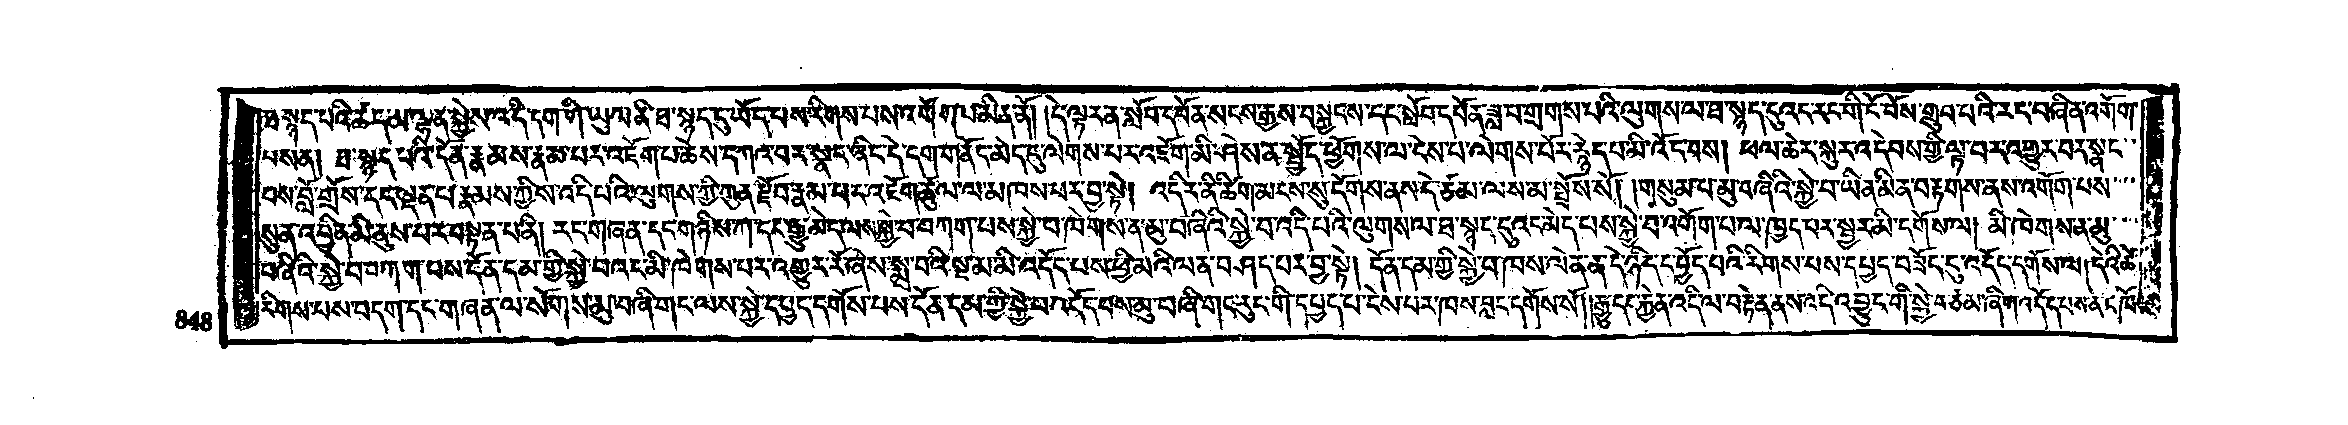ཐ་སྙད་པའི་ཚད་མ་ལྷན་སྐྱེས་འདི་དག་གི་ཡུལ་ནི་ཐ་སྙད་དུ་ཡོད་པས་རིགས་པས་འགོག་པ་མིན་ནོ། །དེ་ལྟར་ན་སློབ་དཔོན་སངས་རྒྱས་བསྐྱངས་དང་སློབ་དཔོན་ཟླ་བ་གྲགས་པའི་ལུགས་ལ་ཐ་སྙད་དུའང་རང་གི་ངོ་བོས་གྲུབ་པའི་རང་བཞིན་འགོག་
པས་ན། ཐ་སྙད་པའི་དོན་རྣམས་རྣམ་པར་འཇོག་པ་ཆེས་དཀའ་བར་སྣང་ཞིང་དེ་དག་གནོད་མེད་དུ་ལེགས་པར་འཇོག་མི་ཤེས་ན་སྤྱོད་ཕྱོགས་ལ་ངེས་པ་ལེགས་པོར་རྙེད་པ་མི་འོང་བས། ཕལ་ཆེར་སྐུར་འདེབས་ཀྱི་ལྟ་བར་འགྱུར་བར་སྣང་
བས་བློ་གྲོས་དང་ལྡན་པ་རྣམས་ཀྱིས་འདི་པའི་ལུགས་ཀྱི་ཀུན་རྫོབ་རྣམ་པར་འཇོག་ཚུལ་ལ་མཁས་པར་བྱ་སྟེ། འདིར་ནི་ཚིག་མངས་སུ་དོགས་ནས་དེ་ཙམ་ལས་མ་སྤྲོས་སོ། །གསུམ་པ་མུ་བཞིའི་སྐྱེ་བ་ཡིན་མིན་བརྟགས་ནས་འགོག་པས་
སུན་འབྱིན་མི་ནུས་པར་བསྟན་པ་ནི། རང་གཞན་དང་གཉིས་ཀ་དང་རྒྱུ་མེད་ལས་སྐྱེ་བ་བཀག་པས་སྐྱེ་བ་ཁེགས་ན་མུ་བཞིའི་སྐྱེ་བ་འདི་པའི་ལུགས་ལ་ཐ་སྙད་དུའང་མེད་པས་སྐྱེ་བ་འགོག་པ་ལ་ཁྱད་པར་སྦྱར་མི་དགོས་ལ། མི་ཁེགས་ན་མུ་
བཞིའི་སྐྱེ་བ་བཀག་པས་དོན་དམ་གྱི་སྐྱེ་བའང་མི་ཁེགས་པར་འགྱུར་རོ་ཞེས་སྨྲ་བའི་སྔ་མ་མི་འདོད་པས་ཕྱི་མའི་ལན་བཤད་པར་བྱ་སྟེ། དོན་དམ་གྱི་སྐྱེ་བ་ཁས་ལེན་ན་དེ་ཉིད་དཔྱོད་པའི་རིགས་པས་དཔྱད་བཟོད་དུ་འདོད་དགོས་ལ། དེའི་ཚེ་
རིགས་པས་བདག་དང་གཞན་ལ་སོགས་མུ་བཞི་གང་ལས་སྐྱེ་དཔྱད་དགོས་པས་དོན་དམ་གྱི་སྐྱེ་བ་འདོད་པས་མུ་བཞི་གང་རུང་གི་དཔྱད་པ་ངེས་པར་ཁས་བླང་དགོས་སོ། །རྒྱུ་དང་རྐྱེན་འདི་ལ་བརྟེན་ནས་འདི་འབྱུང་གི་སྐྱེ་བ་ཙམ་ཞིག་འདོད་པས་ནི་དེ་ཁོ་